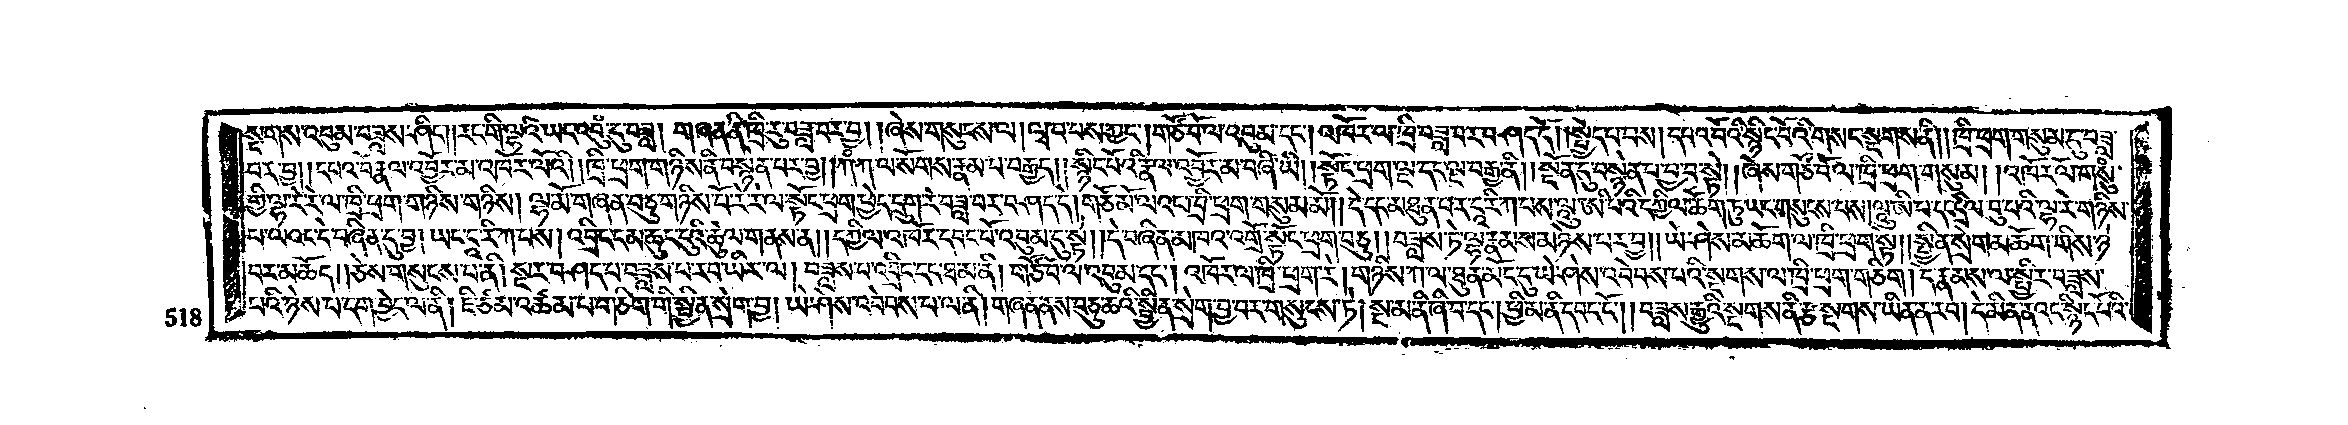སྔགས་འབུམ་བཟླས་ཤིང་། །རང་གི་ལྷའི་ཡང་འབུཾ་དུ་བཟླ། གཞན་ནི་ཁྲི་རུ་བཟླ་བར་བྱ། །ཞེས་གསུངས་ལ། ལྭ་བ་པས་ཀྱང་། གཙོ་བོ་ལ་འབུམ་དང་། འཁོར་ལ་ཁྲི་བཟླ་བར་བཤད་དོ། །སྤྱོད་པ་བས། དཔའ་བོའི་སྙིང་པོའི་གསང་སྔགས་ནི། །ཁྲི་ཕྲག་གསུམ་དུ་བཟླ་
བར་བྱ། །དཔའ་བོ་རྣལ་འབྱོར་མ་འཁོར་ལོའི། །ཁྲི་ཕྲག་གཉིས་ནི་བསྙེན་པར་བྱ། །ཀཾ་ཀ་ལ་སོགས་རྣམ་པ་བརྒྱད། །སྙིང་པོའི་རྣལ་འབྱོར་མ་བཞི་ཡི། །སྟོང་ཕྲག་ལྔ་དང་ལྔ་བརྒྱ་ནི། །སྔོན་དུ་བསྙེན་པ་བྱ་བ་སྟེ། །ཞེས་གཙོ་བོ་ལ་ཁྲི་ཕྲག་གསུམ། །འཁོར་ལོ་གསུམ་
གྱི་ལྷ་རེ་རེ་ལ་ཁྲི་ཕྲག་གཉིས་གཉིས། ལྷ་མོ་གཞན་བཅུ་གཉིས་པོ་རེ་རེ་ལ་སྟོང་ཕྲག་ཕྱེད་དྲུག་རེ་བཟླ་བར་བཤད་དེ། གཙོ་མོ་ལའང་ཁྲི་ཕྲག་གསུམ་མོ། །དེ་དང་མཐུན་པར་དཱ་རི་ཀ་པས་ལཱུ་ཨི་པའི་དཀྱིལ་ཆོག་ཏུ་ཡང་གསུངས་པས། ལཱུ་ཨི་པ་དང་དྲིལ་བུ་པའི་ལྷ་རེ་གཉིས་
པ་ལའང་དེ་བཞིན་དུ་བྱ། ཡང་དཱ་རི་ཀ་པས། འབྲིང་ངམ་ཆུང་ངུའི་ཚུལ་གནས་ན། །དཀྱིལ་འཁོར་དབང་པོ་འབུམ་དུ་སྟེ། །དེ་བཞིན་མཁའ་འགྲོ་སྟོང་ཕྲག་བཅུ། །བཟླས་ཏེ་ལྷ་རྣམས་མཉེས་པར་བྱ། །ཡེ་ཤེས་མཆོག་ལ་ཁྲི་ཕྲག་སྟེ། །སྦྱིན་སྲེག་མཆོག་གིས་ཉེ་
བར་མཆོད། །ཅེས་གསུངས་པ་ནི། སྔར་བཤད་པ་བཟླས་པ་རབ་ཡིན་ལ། བཟླས་པ་འབྲིང་དང་ཐ་མ་ནི། གཙོ་བོ་ལ་འབུམ་དང་། འཁོར་ལ་ཁྲི་ཕྲག་རེ། གཉིས་ཀ་ལ་ཐུན་མོང་དུ་ཡེ་ཤེས་འབེབས་པའི་སྔགས་ལ་ཁྲི་ཕྲག་གཅིག །དེ་རྣམས་ལ་སྤྱིར་བཟླས་
པའི་ཉེས་པ་དག་བྱེད་ལ་ནི། ཇི་ཙམ་འཚམ་པ་གཅིག་གི་སྦྱིན་སྲེག་བྱ། ཡེ་ཤེས་འབེབས་པ་ལ་ནི། གཞན་ནས་བཅུ་ཆའི་སྦྱིན་སྲེག་བྱ་བར་གསུངས་ཏེ། སྔ་མ་ནི་ཞི་བ་དང་། ཕྱི་མ་ནི་དབང་ངོ། །བཟླས་རྒྱུའི་སྔགས་ནི་རྩ་སྔགས་ཡིན་ན་རབ། དེ་མིན་ནའང་སྙིང་པོའི་